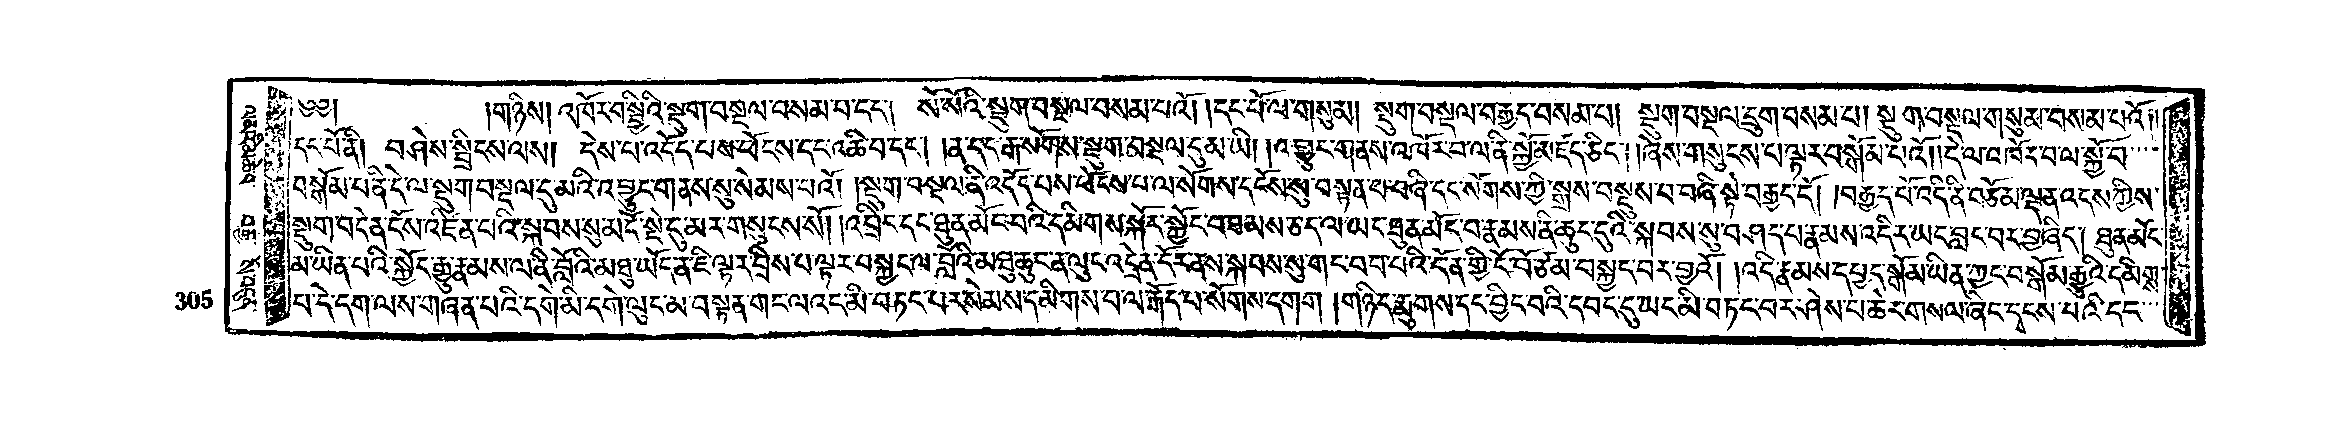༄༅། །གཉིས། འཁོར་བ་སྤྱིའི་སྡུག་བསྔལ་བསམ་པ་དང་། སོ་སོའི་སྡུག་བསྔལ་བསམ་པའོ། །དང་པོ་ལ་གསུམ། སྡུག་བསྔལ་བརྒྱད་བསམ་པ། སྡུག་བསྔལ་དྲུག་བསམ་པ། སྡུག་བསྔལ་གསུམ་བསམ་པའོ། །
དང་པོ་ནི། བཤེས་སྤྲིངས་ལས། དེས་པ་འདོད་པས་ཕོངས་དང་འཆི་བ་དང་། །ན་དང་རྒ་སོགས་སྡུག་བསྔལ་དུ་མ་ཡི། །འབྱུང་གནས་འཁོར་བ་ལ་ནི་སྐྱོ་མཛད་ཅིང་། །ཞེས་གསུངས་པ་ལྟར་བསྒོམ་པའོ། །དེ་ལ་འཁོར་བ་ལ་སྐྱོ་བ་
བསྒོམ་པ་ནི་དེ་ལ་སྡུག་བསྔལ་དུ་མའི་འབྱུང་གནས་སུ་སེམས་པའོ། །སྡུག་བསྔལ་ནི་འདོད་པས་ཕོངས་པ་ལ་སོགས་དངོས་སུ་བསྟན་པོ་བཞི་དང་སོགས་ཀྱི་སྒྲས་བསྡུས་པ་བཞི་སྟེ་བརྒྱད་དོ། །བརྒྱད་པོ་འདི་ནི་བཅོམ་ལྡན་འདས་ཀྱིས་
སྡུག་བདེན་ངོས་འཛིན་པའི་སྐབས་སུ་མདོ་སྡེ་དུ་མར་གསུངས་སོ། །འབྲིང་དང་ཐུན་མོང་བའི་དམིགས་སྐོར་སྐྱོང་བ་ཐམས་ཅད་ལ་ཡང་ཐུན་མོང་བ་རྣམས་ནི་ཆུང་ངུའི་སྐབས་སུ་བཤད་པ་རྣམས་འདིར་ཡང་བླང་བར་བྱ་ཞིང་། ཐུན་མོང་
མ་ཡིན་པའི་སྐྱོང་རྒྱུ་རྣམས་ལ་ནི་བློའི་མཐུ་ཡོད་ན་ཇི་ལྟར་བྲིས་པ་ལྟར་བསྐྱང་ལ་བློའི་མཐུ་ཆུང་ན་ལུང་འདྲེན་དོར་ནས་སྐབས་སུ་གང་བབ་པའི་དོན་གྱི་ངོ་བོ་ཙམ་བསྐྱང་བར་བྱའོ། །འདི་རྣམས་དཔྱད་སྒོམ་ཡིན་ཀྱང་བསྒོམ་རྒྱུའི་དམིགས་
པ་དེ་དག་ལས་གཞན་པའི་དགེ་མི་དགེ་ལུང་མ་བསྟན་གང་ལའང་མི་བཏང་བར་སེམས་དམིགས་པ་ལ་རྒོད་པ་སོགས་དགག །གཉིད་རྨུགས་དང་བྱིང་བའི་དབང་དུ་ཡང་མི་བཏང་བར་ཤེས་པ་ཆེར་གསལ་ཞིང་དྭངས་པའི་ངང་?